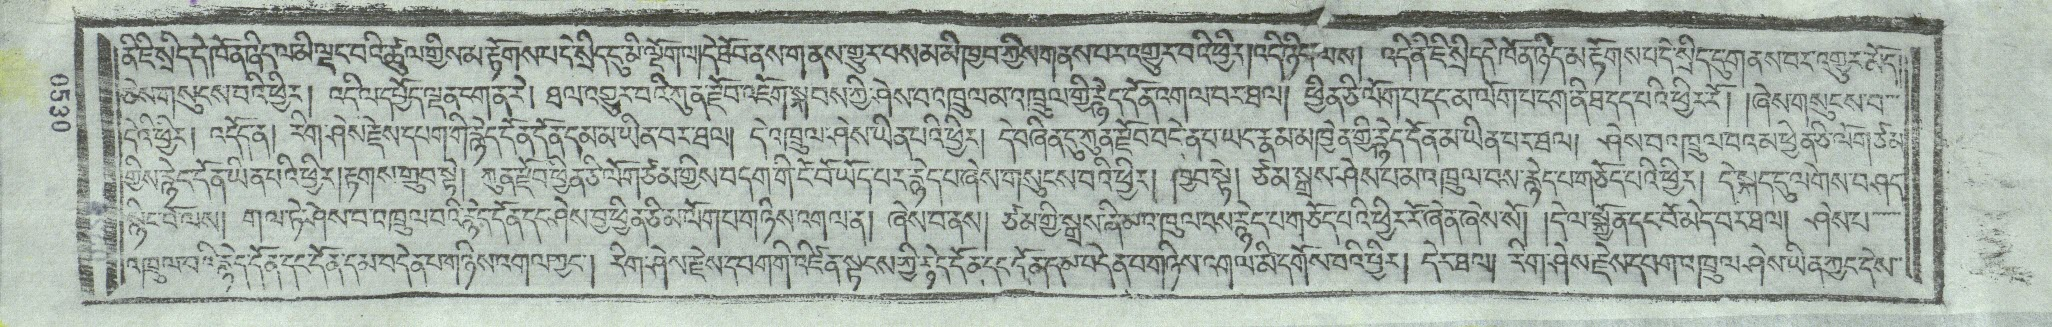ནི་ཇི་སྲིད་དེ་ཁོ་ན་ཉིད་ལ་མི་ལྡང་བའི་ཚུལ་གྱིས་མ་རྟོགས་པ་དེ་སྲིད་དུ་མི་ལྡོག་ལ། དེ་ཐོབ་ནས་གནས་གྱུར་བསམ་མི་ཁྱབ་ཀྱིས་གནས་པར་འགྱུར་བའི་ཕྱིར། འདི་ཉིད་ལས། འདི་ནི་ཇི་སྲིད་དེ་ཁོ་ན་ཉིད་མ་རྟོགས་པ་དེ་སྲིད་དུ་གནས་པར་འགྱུར་མོད།
ཅེས་གསུངས་པའི་ཕྱིར། འདི་ལ་དཔྱོད་ལྡན་ངག་ན་རེ། ཐལ་འགྱུར་བའི་ཀུན་རྫོབ་འཇོག་སྐབས་ཀྱི་ཤེས་པ་འཁྲུལ་མ་འཁྲུལ་གྱི་རྙེད་དོན་འགལ་བར་ཐལ། ཕྱིན་ཅི་ལོག་པ་དང་མ་ལོག་པ་དག་ནི་ཐ་དད་པའི་ཕྱིར་རོ། །ཞེས་གསུངས་པ་
དེའི་ཕྱིར། འདོད་ན། རིག་ཤེས་རྗེས་དཔག་གི་རྙེད་དོན་དོན་དམ་མ་ཡིན་པར་ཐལ། དེ་འཁྲུལ་ཤེས་ཡིན་པའི་ཕྱིར། དེ་བཞིན་དུ་ཀུན་རྫོབ་བདེན་པ་ཡང་རྣམ་མཁྱེན་གྱི་རྙེད་དོན་མ་ཡིན་པར་ཐལ། ཤེས་པ་འཁྲུལ་བའམ་ཕྱིན་ཅི་ལོག་ཙམ་
གྱིས་རྙེད་དོན་ཡིན་པའི་ཕྱིར། རྟགས་གྲུབ་སྟེ། ཀུན་རྫོབ་ཕྱིན་ཅི་ལོག་ཙམ་གྱིས་བདག་གི་ངོ་བོ་ཡོད་པར་རྙེད་པ་ཞེས་གསུངས་པའི་ཕྱིར། ཁྱབ་སྟེ། ཙམ་སྒྲས་ཤེས་པ་མ་འཁྲུལ་བས་རྙེད་པ་གཅོད་པའི་ཕྱིར། དེ་སྐད་དུ་ལེགས་བཤད་
སྙིང་པོ་ལས། གལ་ཏེ་ཤེས་བ་འཁྲུལ་བའི་རྙེད་དོན་དང་ཤེས་བྱ་ཕྱིན་ཅི་མ་ལོག་པ་གཉིས་འགལ་ན། ཞེས་པ་ནས། ཙམ་གྱི་སྒྲས་ནི་མ་འཁྲུལ་བས་རྙེད་པ་གཅོད་པའི་ཕྱིར་རོ་ཞེ་ན་ཞེས་སོ། །དེ་ལ་སྐྱོན་དང་པོ་མེད་པར་ཐལ། ཤེས་པ་
འཁྲུལ་པའི་རྙེད་དོན་དང་དོན་དམ་བདེན་པ་གཉིས་འགལ་ཀྱང་། རིག་ཤེས་རྗེས་དཔག་གི་འཛིན་སྟངས་ཀྱི་རྙེད་དོན་དང་དོན་དམ་བདེན་པ་གཉིས་འགལ་མི་དགོས་པའི་ཕྱིར། དེར་ཐལ། རིག་ཤེས་རྗེས་དཔག་འཁྲུལ་ཤེས་ཡིན་ཀྱང་དེས་